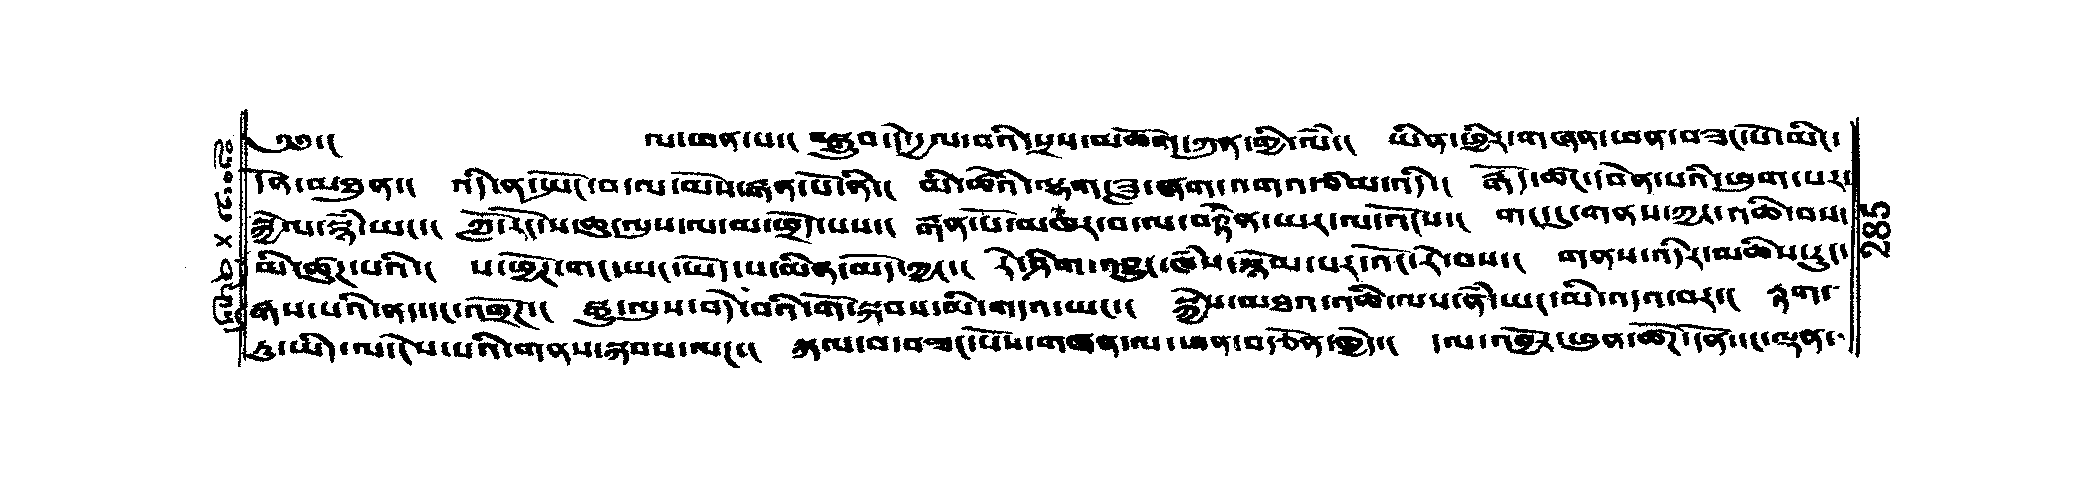ལ་ཕན་པ། །བསྒྲུབ་དེ་རྒྱལ་བའི་སྲས་མཆོག་ཀུན་གྱི་ལམ། །ཡིན་ཕྱིར་གཞན་ཕན་བཟང་པོ་མིང་
དོན་མཐུན། །འདི་ན་སྤོང་བ་ལ་མོས་རྒན་པོ་ནི། །མི་ཚེའི་ལྷག་མ་ཟླ་ཞག་འགའ་ཙམ་འདི། །རྒོད་ཚང་དབེན་པའི་ཕུག་པར་
སྐྱེལ་སྙམ་ཡང་། །ཀློ་རོང་ས་ཆུ་ལུས་ལ་མ་ཕྲོད་པས། །རྒན་པོ་མཁར་བ་ལ་བརྟེན་ཡར་ལ་འོངས། །གང་དུ་གནས་ཀྱང་འཆི་བས་
མི་ཚུགས་པའི། །ས་ཕྱོགས་གང་ཡང་ཡོད་པ་མིན་མོད་ཀྱང་། །རེ་ཤིག་འབྱུང་ཁམས་སྙོམ་པར་འོང་རེ་བས། །གནས་འདིར་མཆིས་རུང་
རྒས་པའི་ནད་དང་འགྲོགས། །སྒྱུ་ལུས་བདེ་བའི་གོ་སྐབས་མི་གདའ་ཡང་། །སྐྱེས་མཐའ་འཆི་ལས་ནམ་ཡང་མི་འདའ་བར། །རྟག་
ཏུ་ཡིད་ལ་ངེས་པའི་གནས་སྐབས་ལགས། །སྐལ་པ་བཟང་པོས་གཞན་ལ་ཕན་བརྩོན་ཁྱེད། །དལ་འབྱོར་ཕུན་ཚོགས་དོན་དང་ལྡན་